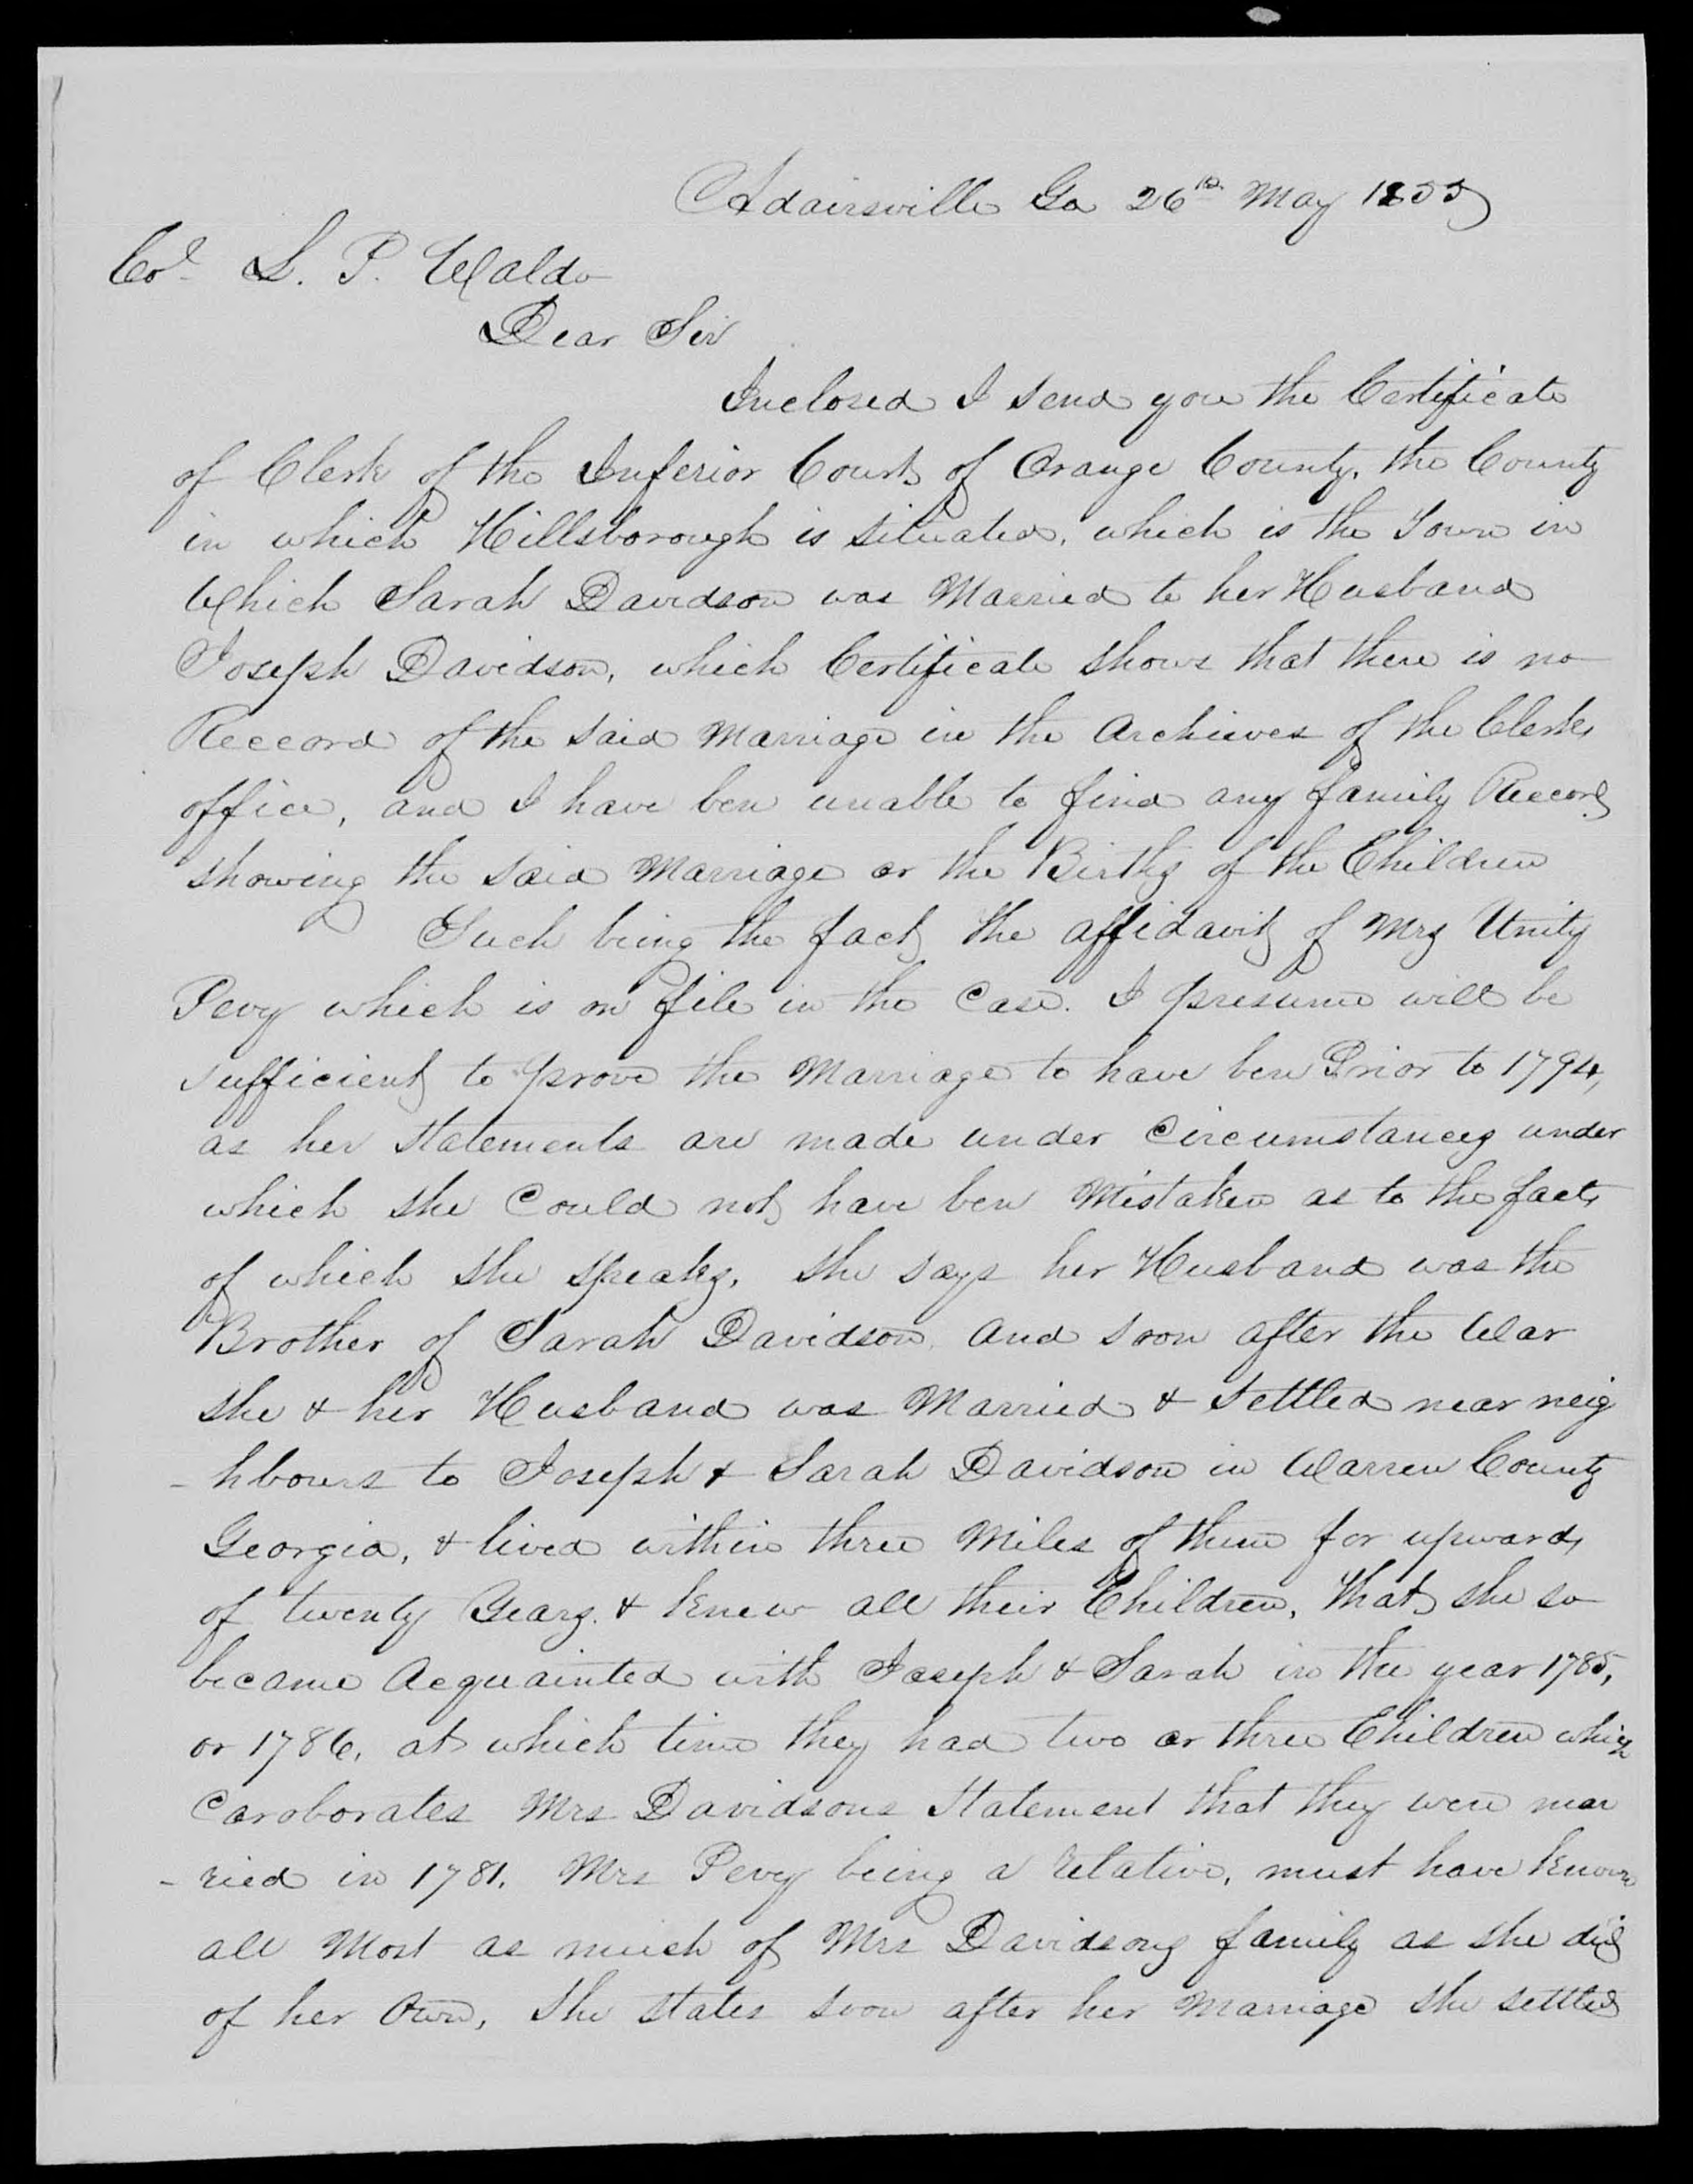Col L.P. Waldo
Adairsville Ga 26th May 1855
Dear Sir
Inclosed I send you the Certificate of Clerk of the Inferior Court of Orange County, the County in which Hillsborough is situated, which is the Town in which Sarah Davidson was married to her Husband Joseph Davidson, which certificate shows that there is no Record of the said Marriage in the archives of the Clerks office, and I have been unable to find any family Record showing the said Marriage or the Births of the Children such being the fact the affidavit of Mrs Unity Pery which is on file in the case. I presume will be sufficient to prove the Marriage to have ben prior to 1794 as he statements are made under circumstances under which she could not have been mistaken as to the facts of which she speaks, she says her Husband was the Brother of Sarah Davidson, and soon after the War she & her Husband was married & settled neighbours to Joseph & Sarah Davidson in Warren County Georgia, & lived within three miles of them for upwards of twenty years & knew all their children, that she so
became acquainted with Joseph & Sarah in the year 1785, or 1786, at which time they had two or three children which Caroborates Mrs Davidsons statement that they were married in 1781. Mrs Pery being a relative, must have know all most as much of Mrs Davidsons family as she did of her own, She state soon after her marriage she settled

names: Joseph Davidson, L P Waldo, Sarah Davidson, Davidson, Sarah Davidson, Pevy, Joseph Davidson, Sarah, Sarah Davidson, Unity Pevy, Joseph, Davidson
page: 37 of 63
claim: widow's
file: W. 4175, Joseph Davidson, N.C.